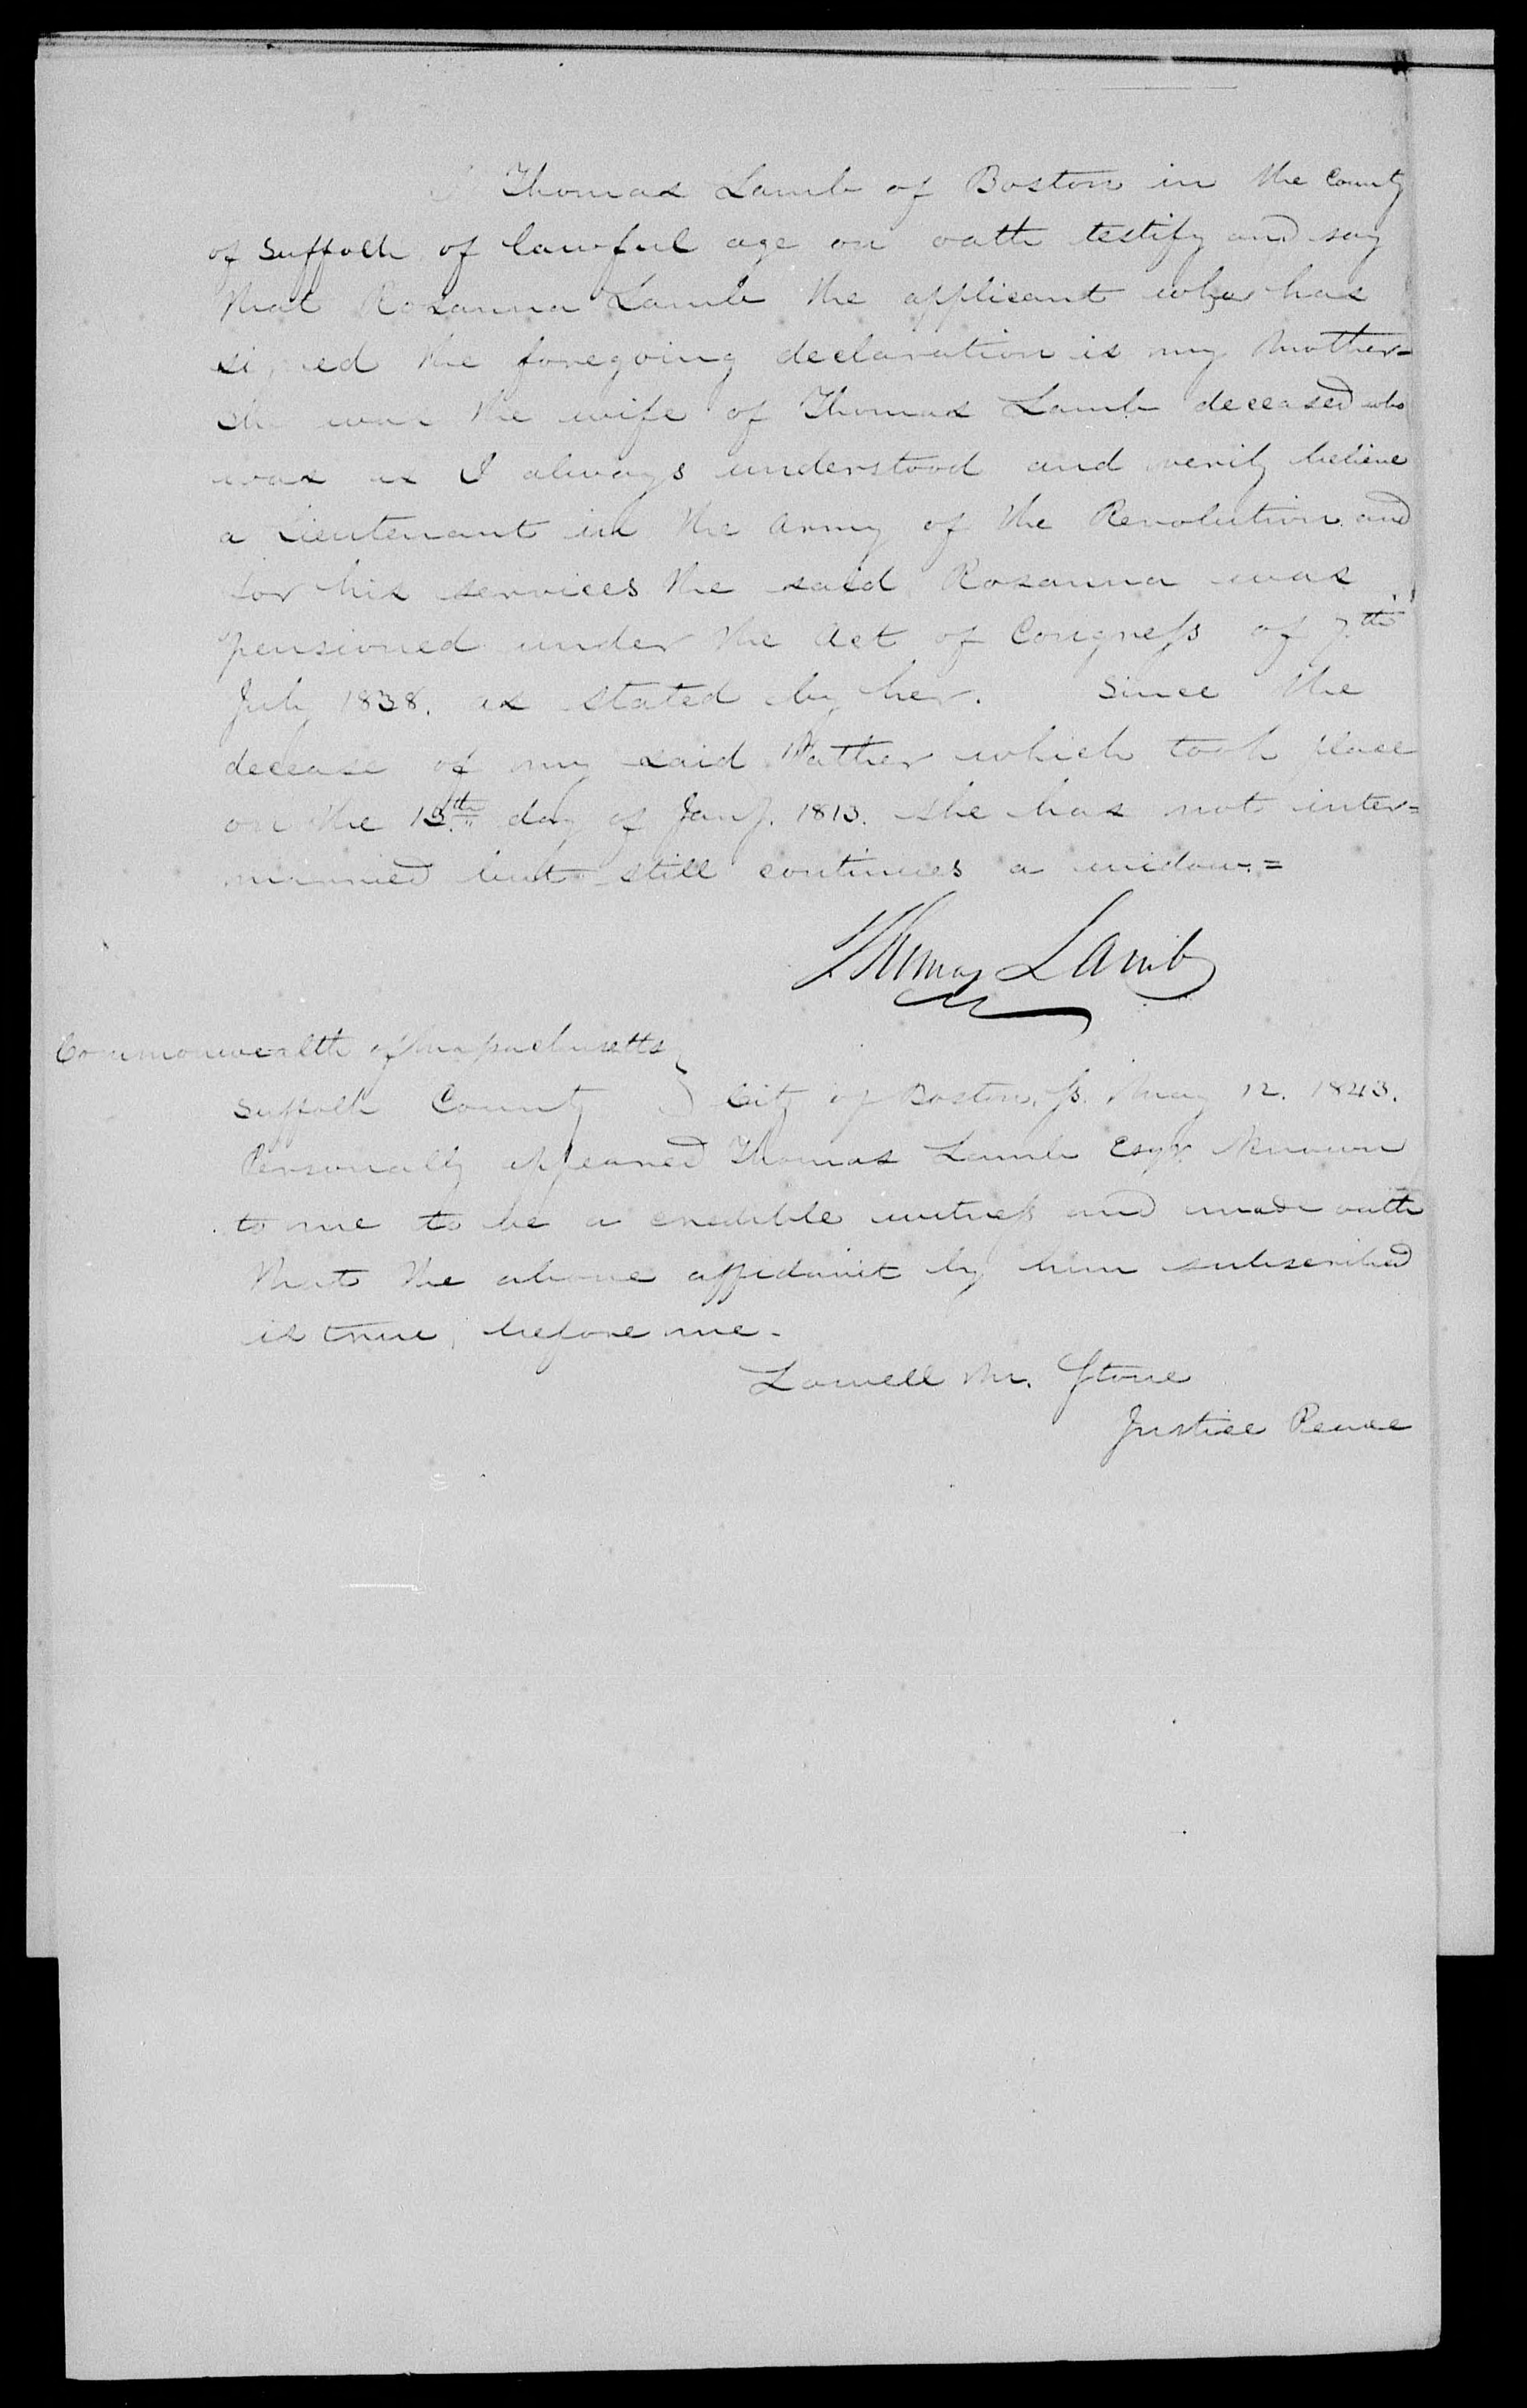Thomas Lamb of Boston in the County of Suffolk of lawful age on oath testify and say that Rosanna Lamb the applicant who has signed the foregoing declaration is my mother. She was the wife of Thomas Lamb deceased who was as I always understood and verily believe a Lieutenant in the Army of the Revolution and for his services the said Rosanna was pensioned under the Act of Congress of 7th July 1838 as stated by her. Since the decease of my said Father which took place on the 13th day of Jany, 1813, she has not intermarried but still continues a widow.
Thomas Lamb

Commonwealth of Massachusetts,
Suffolk County} City of Boston, on May 12, 1843 personally appeared Thomas Lamb Esq known to me to be a credible witness and under oath makes the above affidavit by him subscribed is true, before me.
Lowell M. Stone
Justice Peace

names: Rosanna Lamb; Lowell M Stone; Thomas Lamb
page: 23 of 23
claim: widow's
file: W. 15010, for Thomas Lamb, Massachusetts